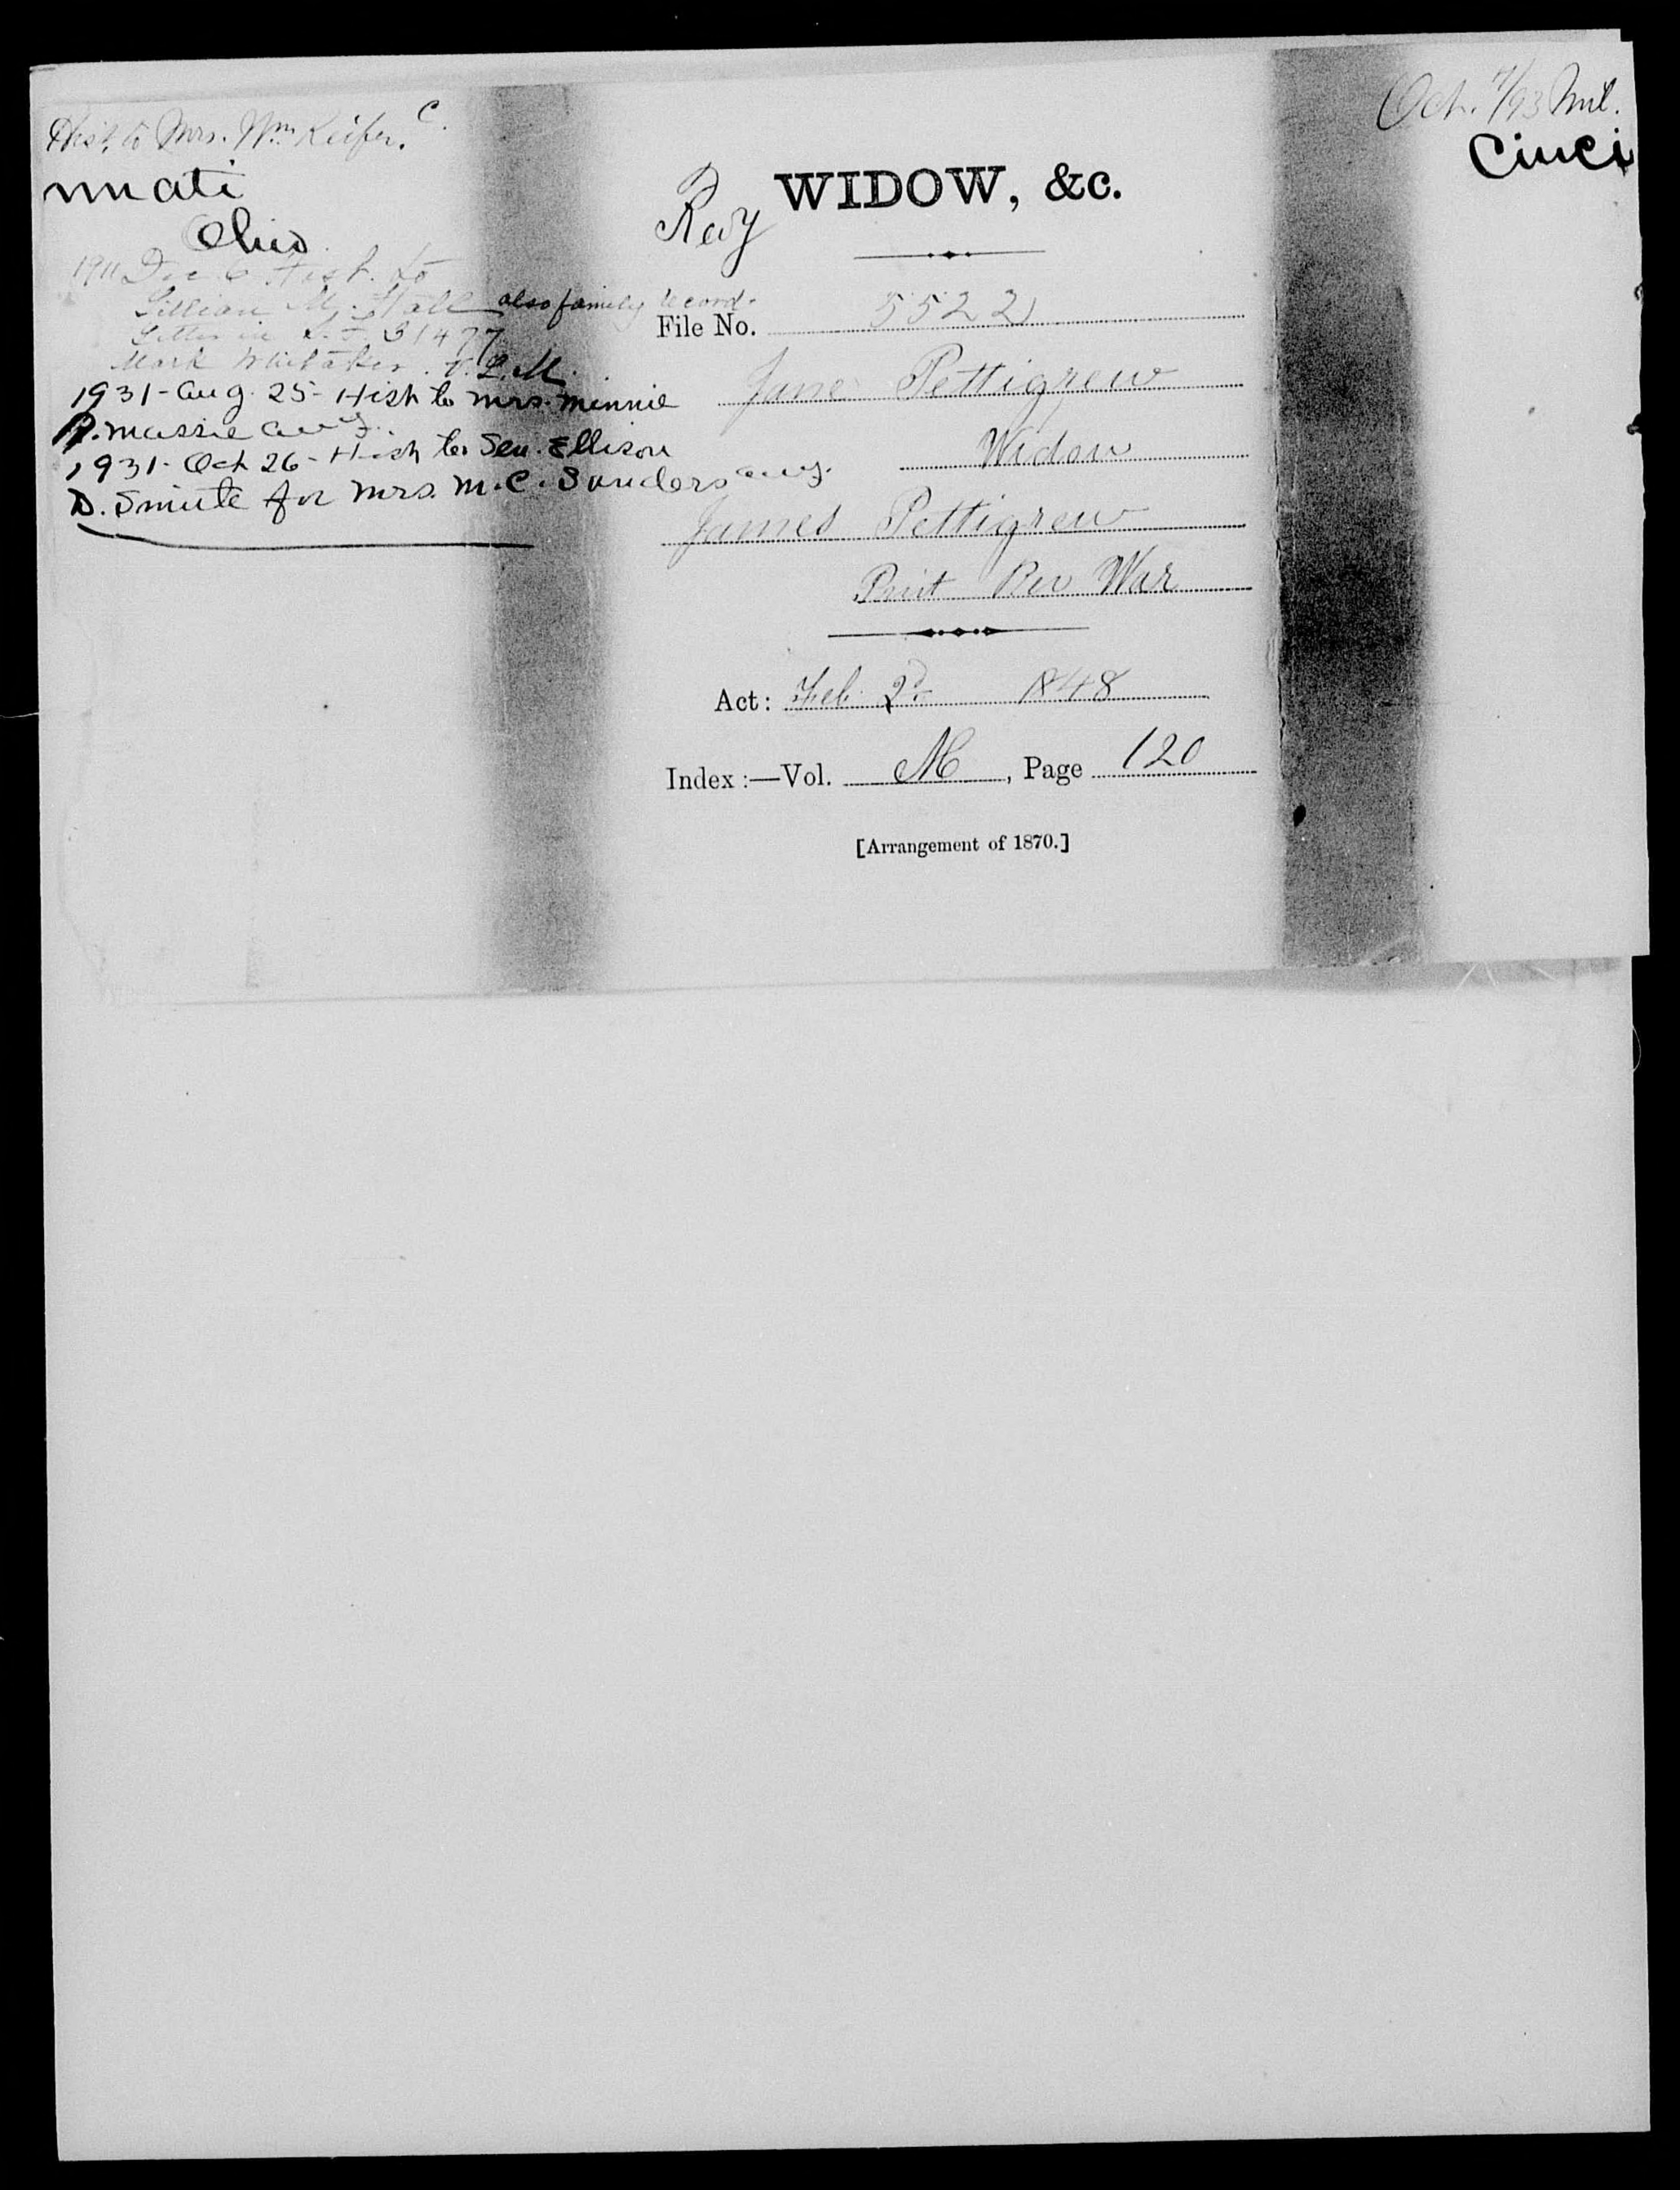[Left side of page]
Hist to Mrs. Wm Kiefer
nnati Ohio
1911 Dec 6 Hist to
Lillian M. Stall also family [illegible]
Lillian S. F 31477
Mark Waitaker
1931 -Aug. 25 - Hist to Mrs. Minnie 
Massie
1931 - October 26 - Hist to Sen. Ellison
D. Smitte for Mrs. M.C. Sanders

[Middle of page]

Revy 
WIDOW, &c.
________
File No. 5522

June Pettigrew
Widow
James Pettigrew
Prit    Rev.  War
__________
Act: Feb 23       1848
Index: - Vol. H,    Page 120

[Arrangement of 1870.]

[Top right side of page]

Oct 7/93 Imt.

Cinci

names: Wm Kiefer; Sen Ellison; Jane Pettigrew; Minnie R Massie; Lillian M Stall; Mark Waitaker; D Smitte; M C Sanders; James Pettigrew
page: 28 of 92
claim: widow's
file: W. 5522, for James Pettigrew, South Carolina